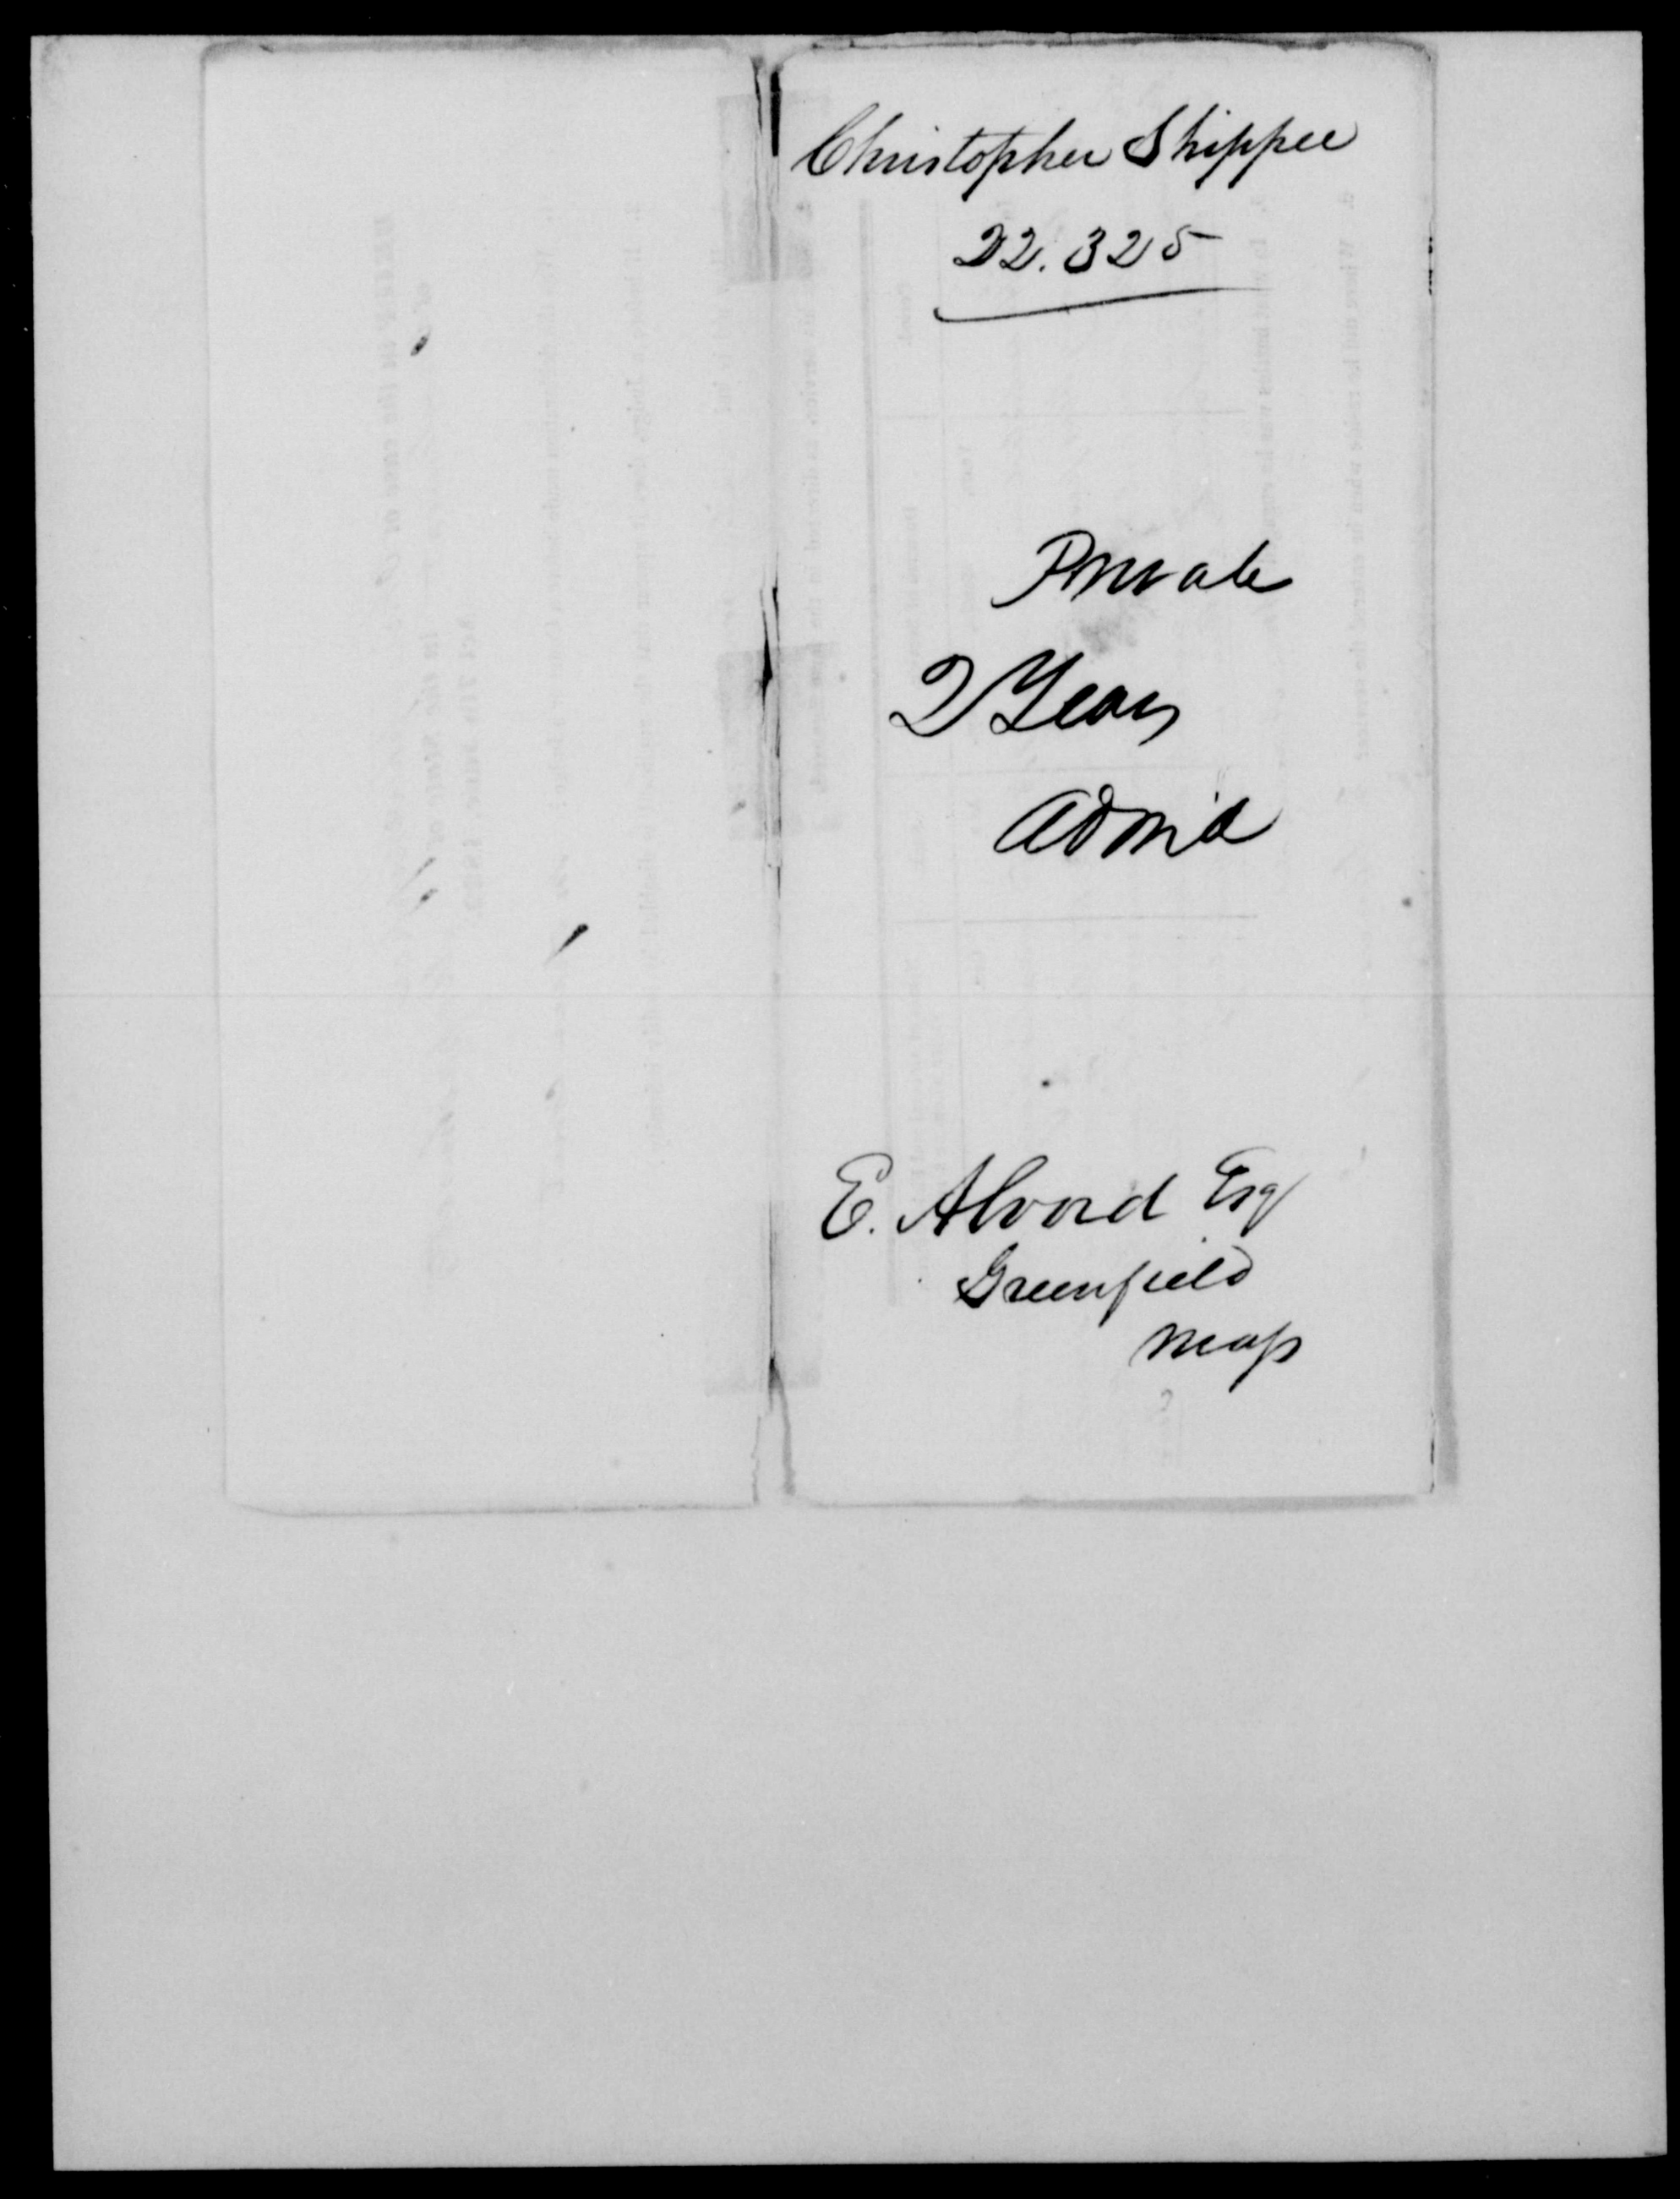Christopher Shippee
22.325
 
2 Years 0 mo

E. Alvord Esq
Greenfield Mass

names: E Alvord; Christopher Shippee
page: 3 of 20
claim: survivor's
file: S. 30,698, for Christopher Shippee, Rhode Island